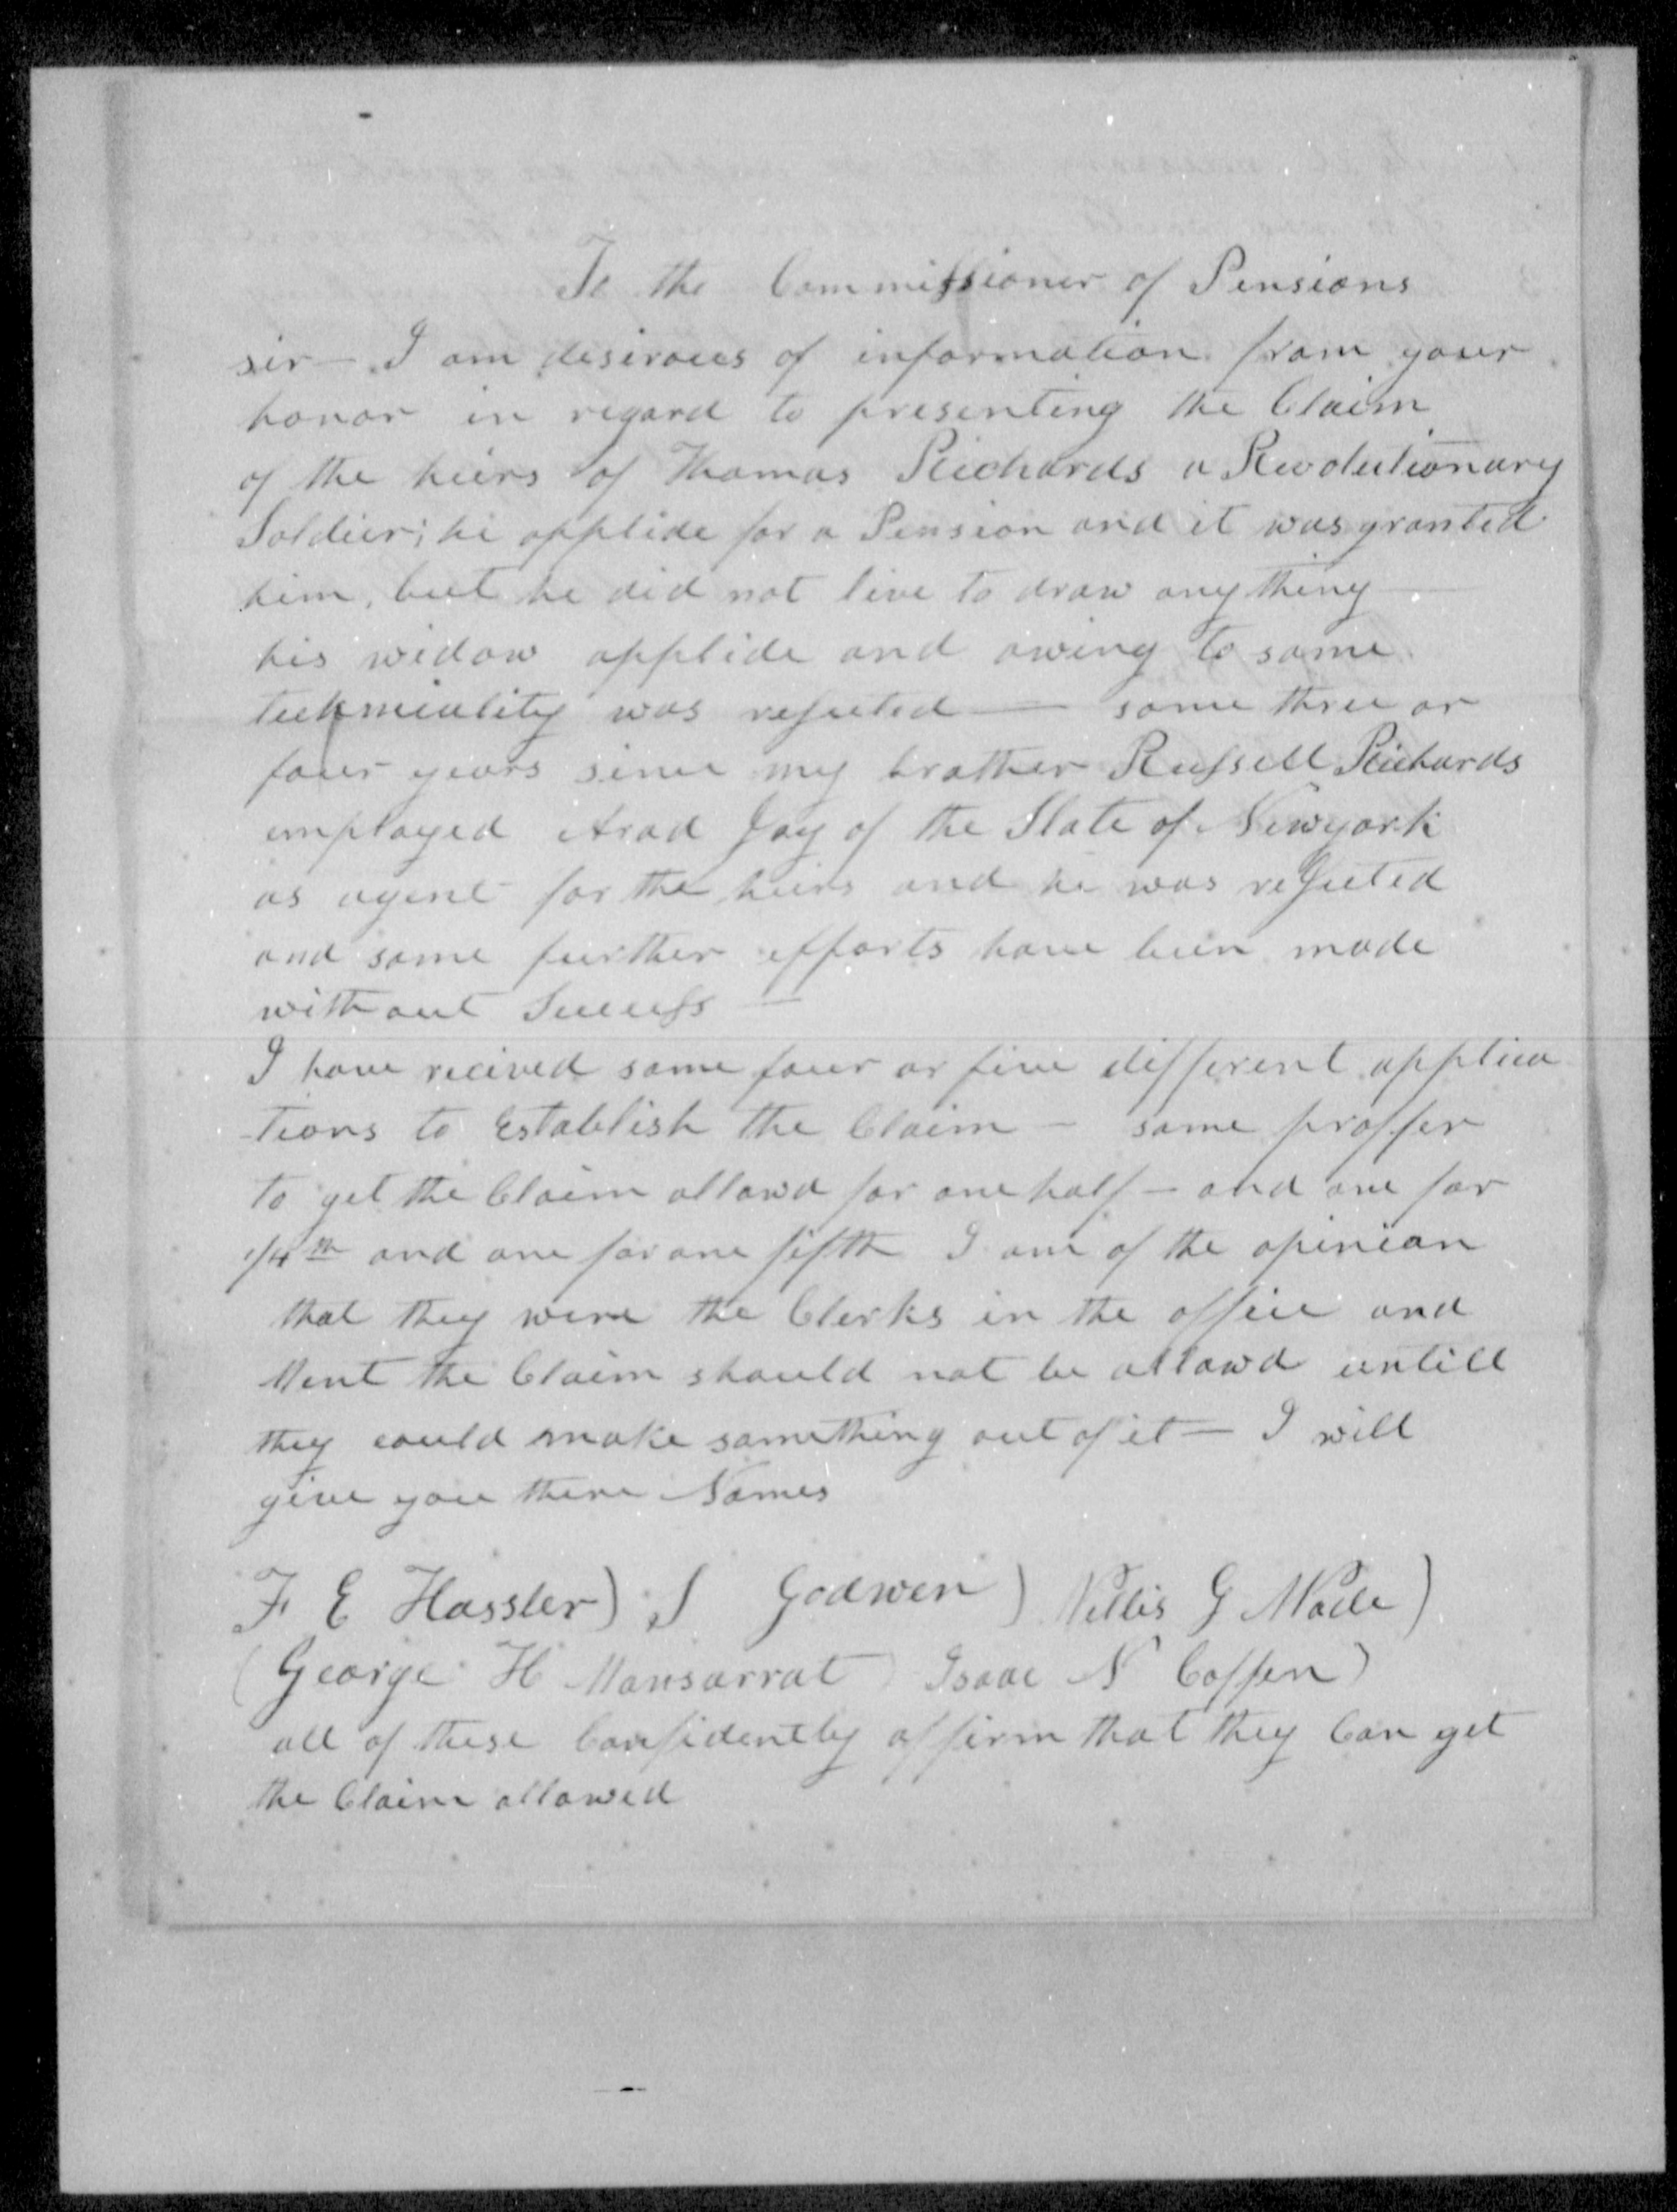To the Commissioner of Pensions
Sir I am desirous of information from your
honor in regard to presenting the claim of the heirs of Thomas Richards a Revolutionary
Soldier; he applied for a Pension and it was granted him, but he did not live to draw any thing his widow applied and owing to some
technicality was refuted -- some three or
four years since my brother Russell Richards
employed Arad Joy of the State of New York
as agent for the heirs and he was rejected
and some further efforts have been made
without success
I have received some four or five different applications to establish the claim-- some proffer to get the claim allowed for one half-- and one for 1/4th and one for one fifth I am of the opinion that they were the Clerks in the office and [illegible] the Claim should not be allowed untill [UNTIL] they could make something out of it-- I will give you there [THEIR] Names
F E Hassler) S Godwen) Willis G Wade)
(George H Mansarrat) Isaac N Coffen)
all of these confidently affirm that they can get
the Claim allowed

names: F E Hassler; Thomas Richards; Russell Richards; Nellis G Wade; Isaac N Copper; S Godwin; George H Monsarrat; Arad Joy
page: 80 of 109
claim: widow's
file: W. 5709, for Thomas Richards, New Hampshire